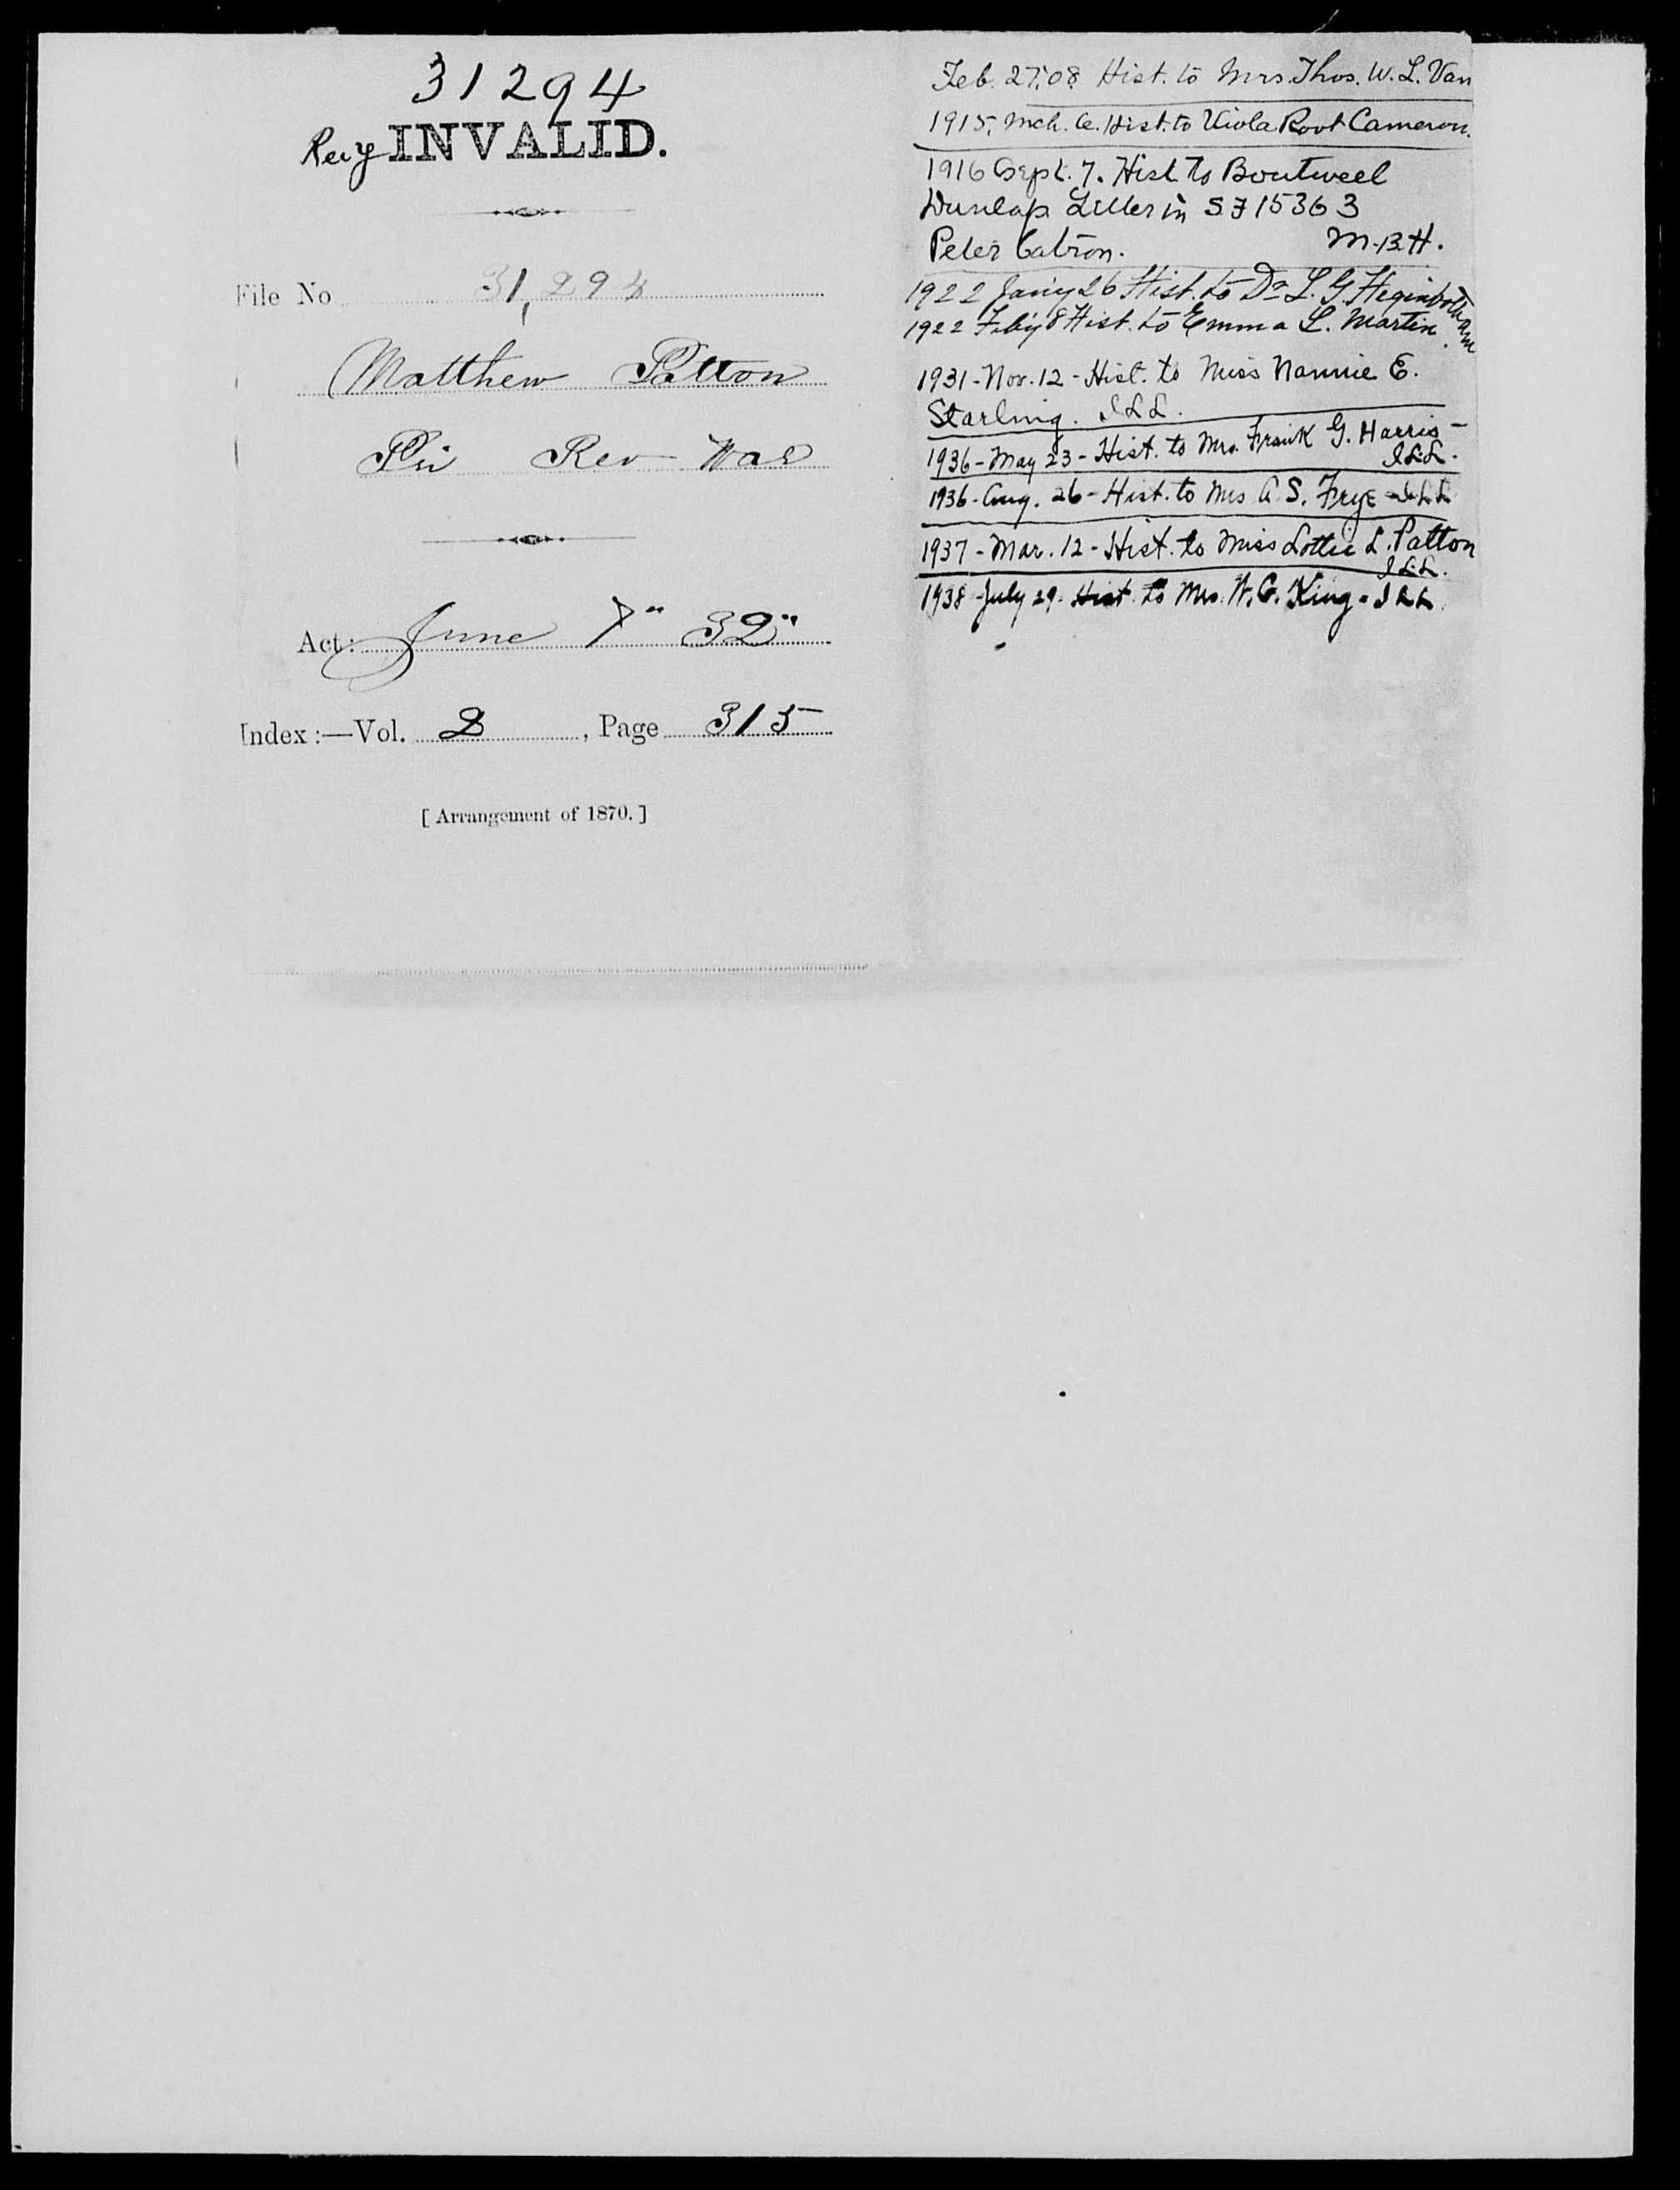File No. 31294
Invalid
Name: Matthew Patton
Rank: Pri. Rev. War
Act: June 7th, 1832
Index: Vol. 8, Page 315

Right margin notes:

Feb. 6, 27084: Hit to Mrs. Thos. W. Dixon

1915: Made to Hite & Wilson for Cameron

1916: Sept. 7: Hit to Butterwell

Dunlap’s Letter is 515633

Peter Patton – M.M.H.

1928: Sept. 14: Hit to Miss F. E. Harding

1932: Apr. 4: Hit to Emma E. Martin

1931: Nov. 12: Hit to Miss Nannie E. Starling – S.C.C.

1934: May 23: Hit to Mrs. Frank G. Harris

1935: Apr. 26: Hit to Mrs. A. S. Frye – S.C.C.

1937: Mar. 12: Hit to Miss Lottie L. Patton

1938: July 12: Hit to Mrs. H. B. King – S.C.C.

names: W G King; Emma L Martin; L G Heginbotham; Lottie L Patton; Peter Catron; A S Frye; Matthew Patton; Viola Root Cameron; Boutwell Dunlap; Nannie E Starling; Frank G Harris; Thos W L [ILLEGIBLE]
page: 33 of 45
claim: survivor's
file: S. 31294, for Matthew Patton, Maryland